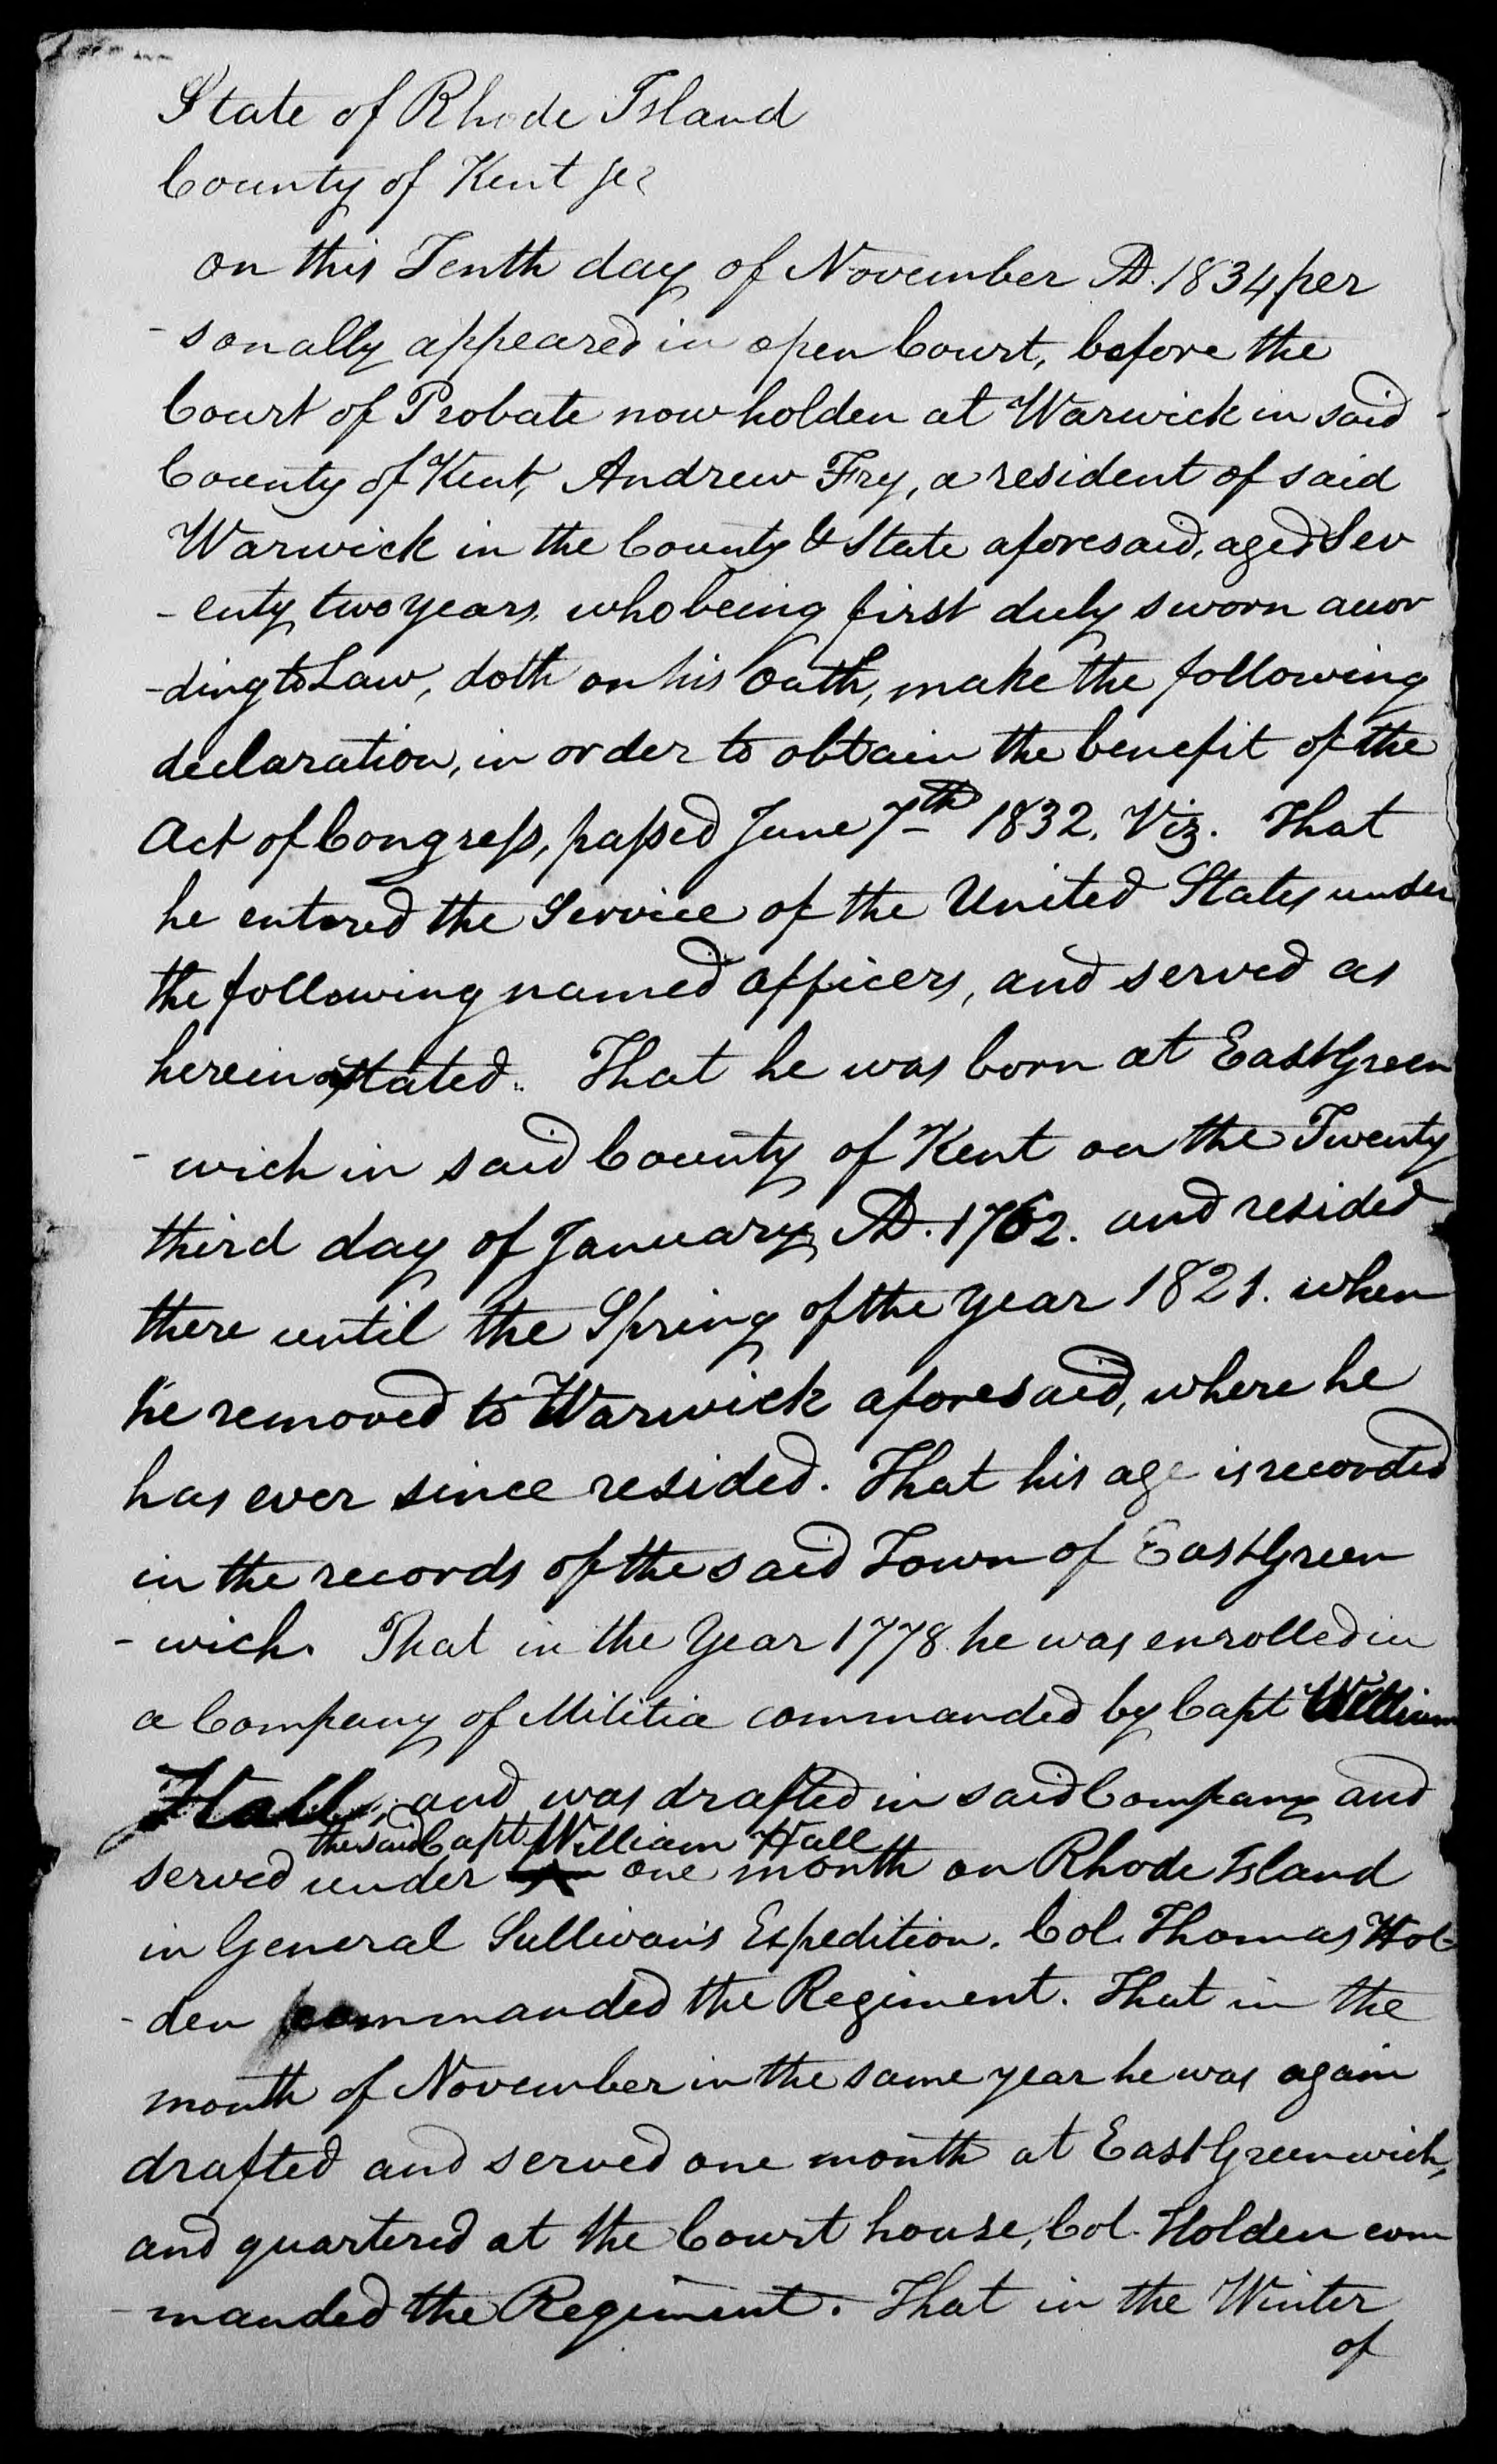State of Rhode Island
County of Kent
On this tenth day of November 1834, personally appeared in open court before the court of probate now holder at Warwick in said county of Kent, Andrew Fry, a resident of said Warwick in the County and State aforesaid, aged seventy two years, who being first duly sworn according to Law, doth and his oath, make the following declaration, in order to obtain the benefit of the act of Congress paper June 7 1832 viz That he entered the service of the United States under the following named officers and served as herein stated. That he was born at East Greenwich in said County of Kent on the twenty third day of January 1762 and resided there until the spring of the year 1821 when he removed to Warwick aforesaid, where he has ever since resided. That his age is recorded in the records of the said Town of East Greenwich. That in the year 1778 he was enrolled in a company of Militia commanded by Captain William Hall and was drafted in said company and served then and apt under William Hall one  month on Rhode Island in General Sullivan's Expedition. Col. Thomas Holden commanded the regiment. That in the month of November in the same year he was again drafted and served one month at East Greenwich and quartered at the court house. Col. Holden commanded the regiment. That in the winter of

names: Holden, William Hall, Andrew Fry, Thomas Holden, William Hall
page: 5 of 9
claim: survivor's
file: S. 21,760, Andrew Fry, R.I.